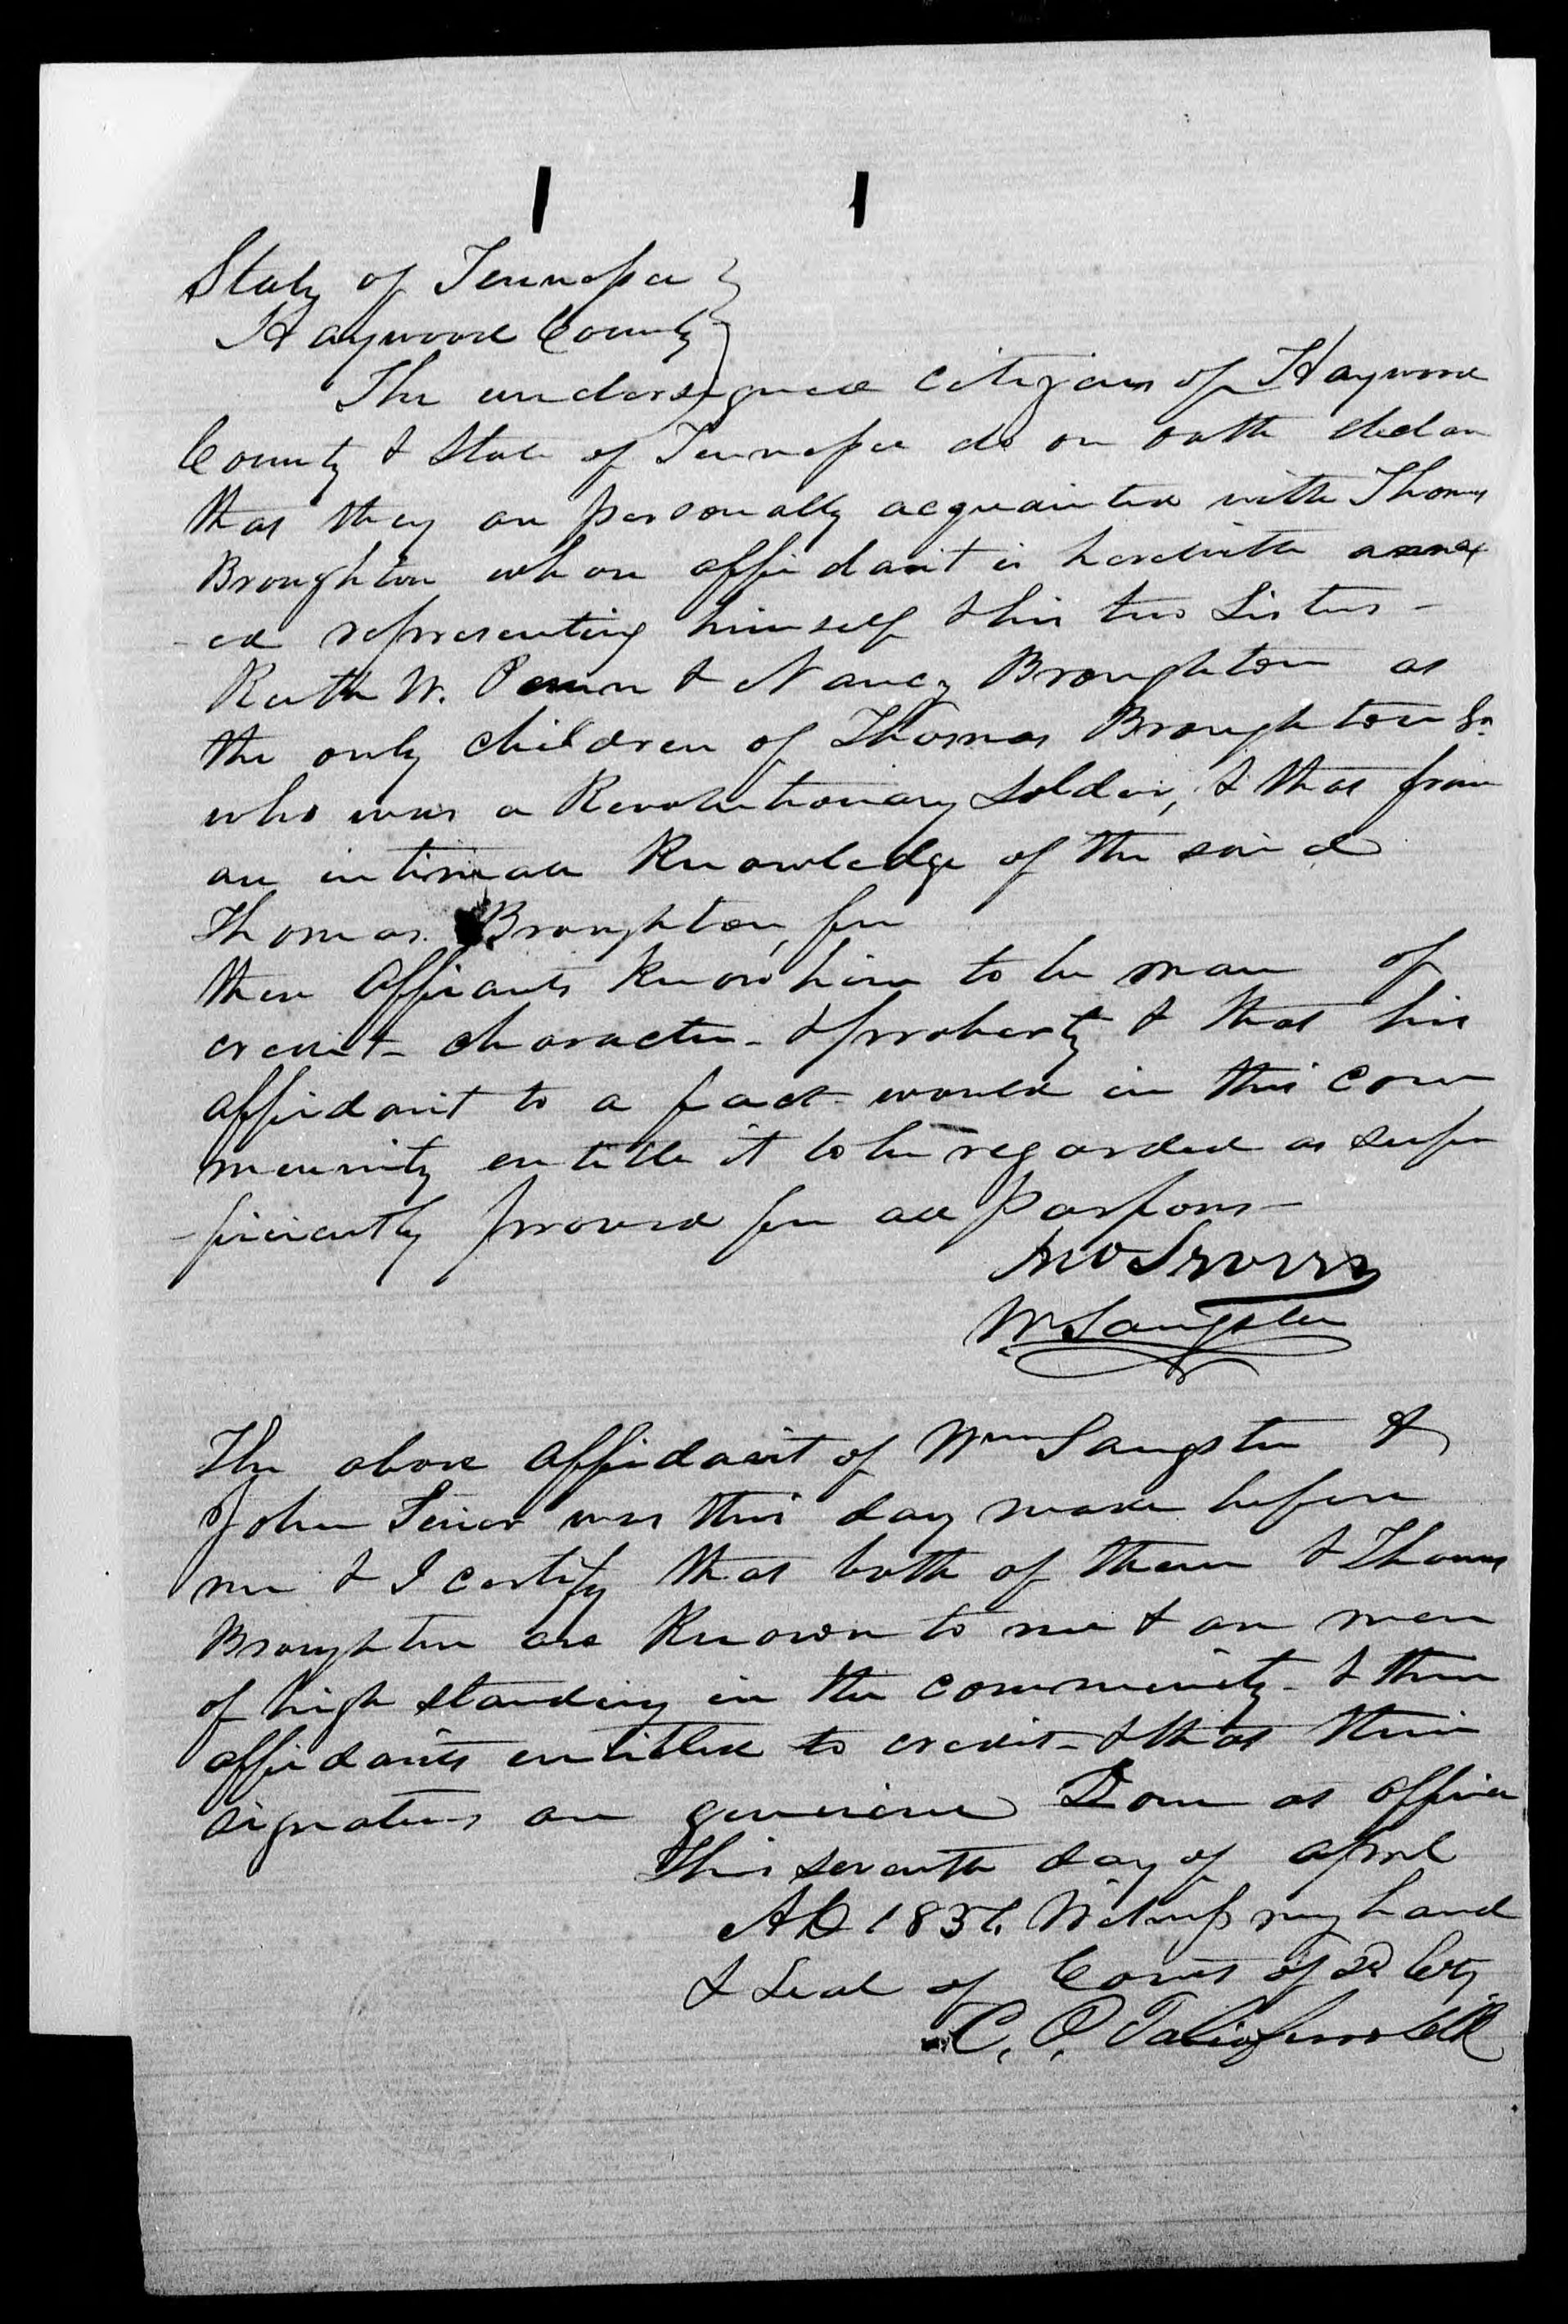State of Tennessee Haywood Cunty
The undersigned citizens of Haywood County & state of Tennessee do on oath declare that they are personally acquainted with Thomas Broughton whose affidavit is herewith annexed representing himself & his two sisters - Ruth W. Penn & Nancy Broughton as the only children of Thomas Broughton Sr. who was a Revolutionary soldier, & that from an intimate knowledge of the said Thomas Broughton, for these affiants know him to be man of credit - character - & property & that his affidavit to a fact would in this community entitle it to be regarded as sufficiently proved for all purposes
Jno Irvin
W Langster

The above affidavit of Wm Langster & John Irvin was this day made before me & I certify that both of them & Thomas Broughton are known to me & are men of high standing in the community. & their affidavits entitled to credit. & that their signatures are genuine. Done at office this seventh day of April AD 1836. Witness my hand & seal of Court of sd. Coty.
C. O. Talioferro Clk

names: C P Talioferro, John Liner, Nancy Broughton, Thomas Broughton, Wm Langster, Jno Irvin, Thomas Broughton, Ruth W Penn, W Langster, Thomas Broughton, Thomas Broughton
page: 25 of 72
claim: widow's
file: W. 897, Thomas Broughton, S.C.